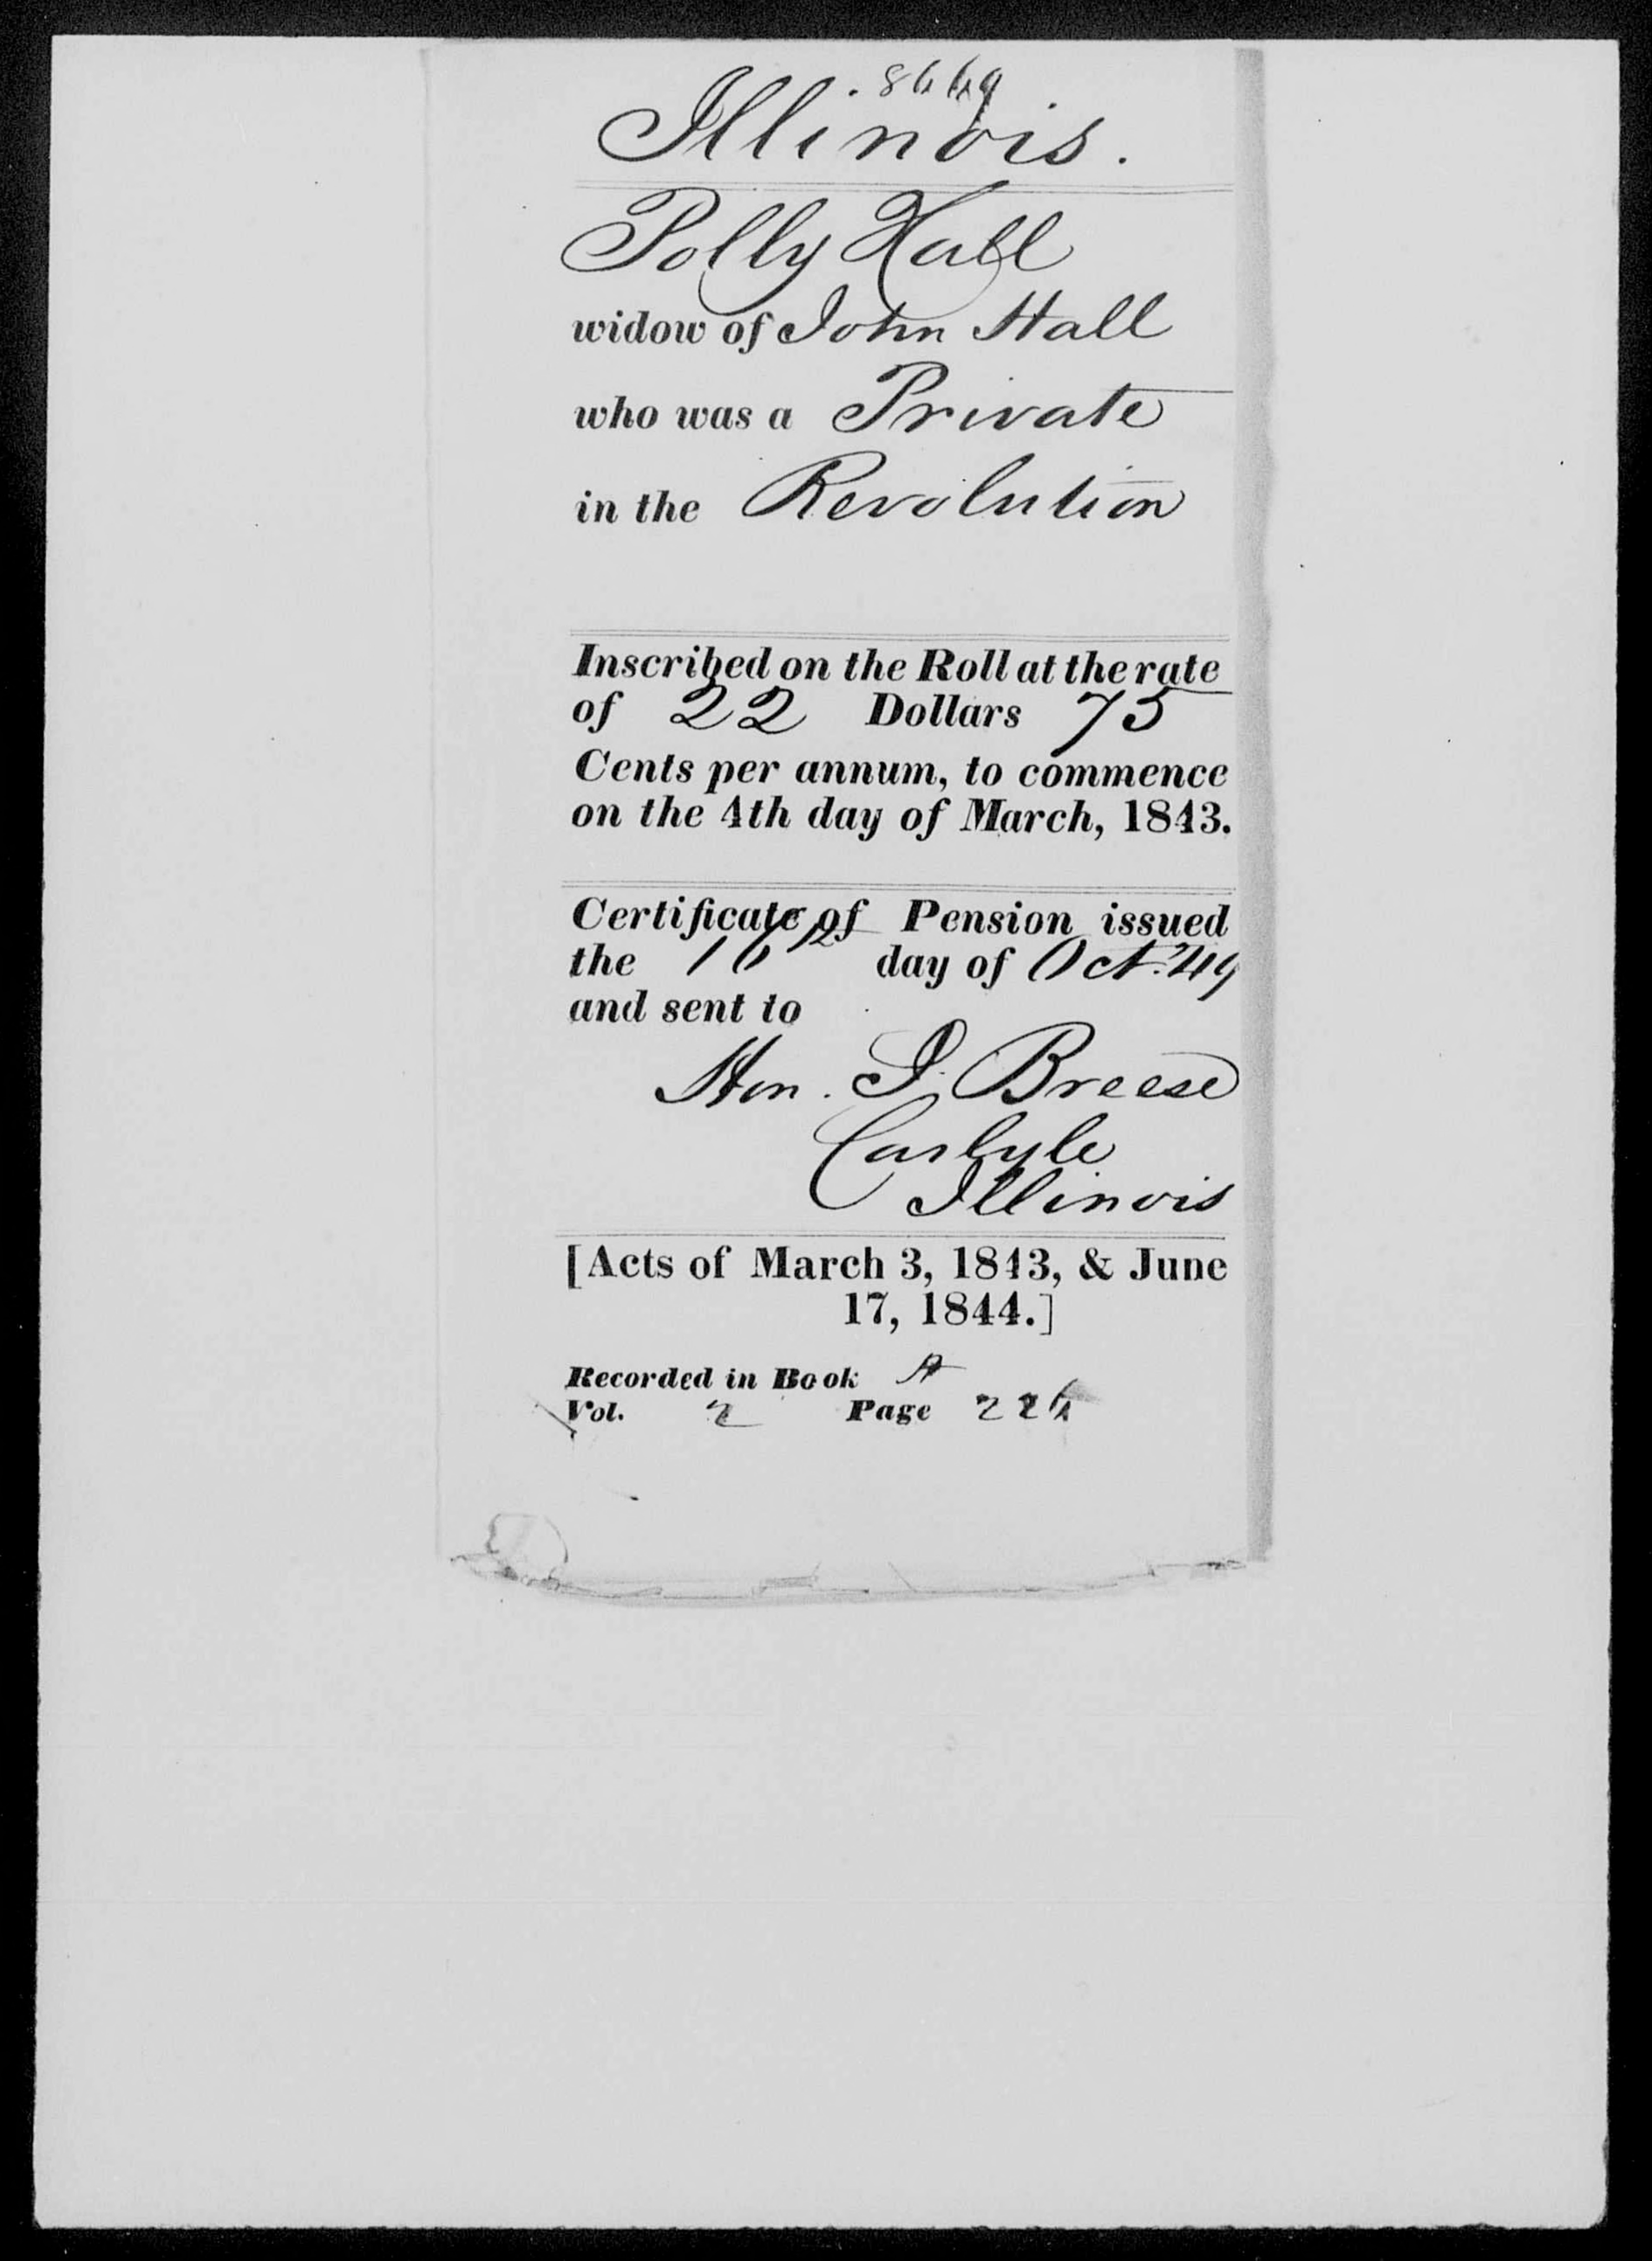8669 
Illinois
Polly Hall
widow of John Hall
who was a Private 
in the Revolution

Inscribed on the Roll at the rate 
of 22 Dollars 75
cents per annum to commence
on the 4th day of March, 1843.

Certificate of Pension issued
the 16th day of Oct' 49
and sent to 
Hon S. Breese
Carlyle
Illinois
[Acts of march 3, 1843, & June 
17, 1844]

Recorded in book A
Vol. 2 Page 226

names: John Hall, Polly Hall, S Breese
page: 24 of 61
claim: widow's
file: W. 23,236, John Hall, N.C.